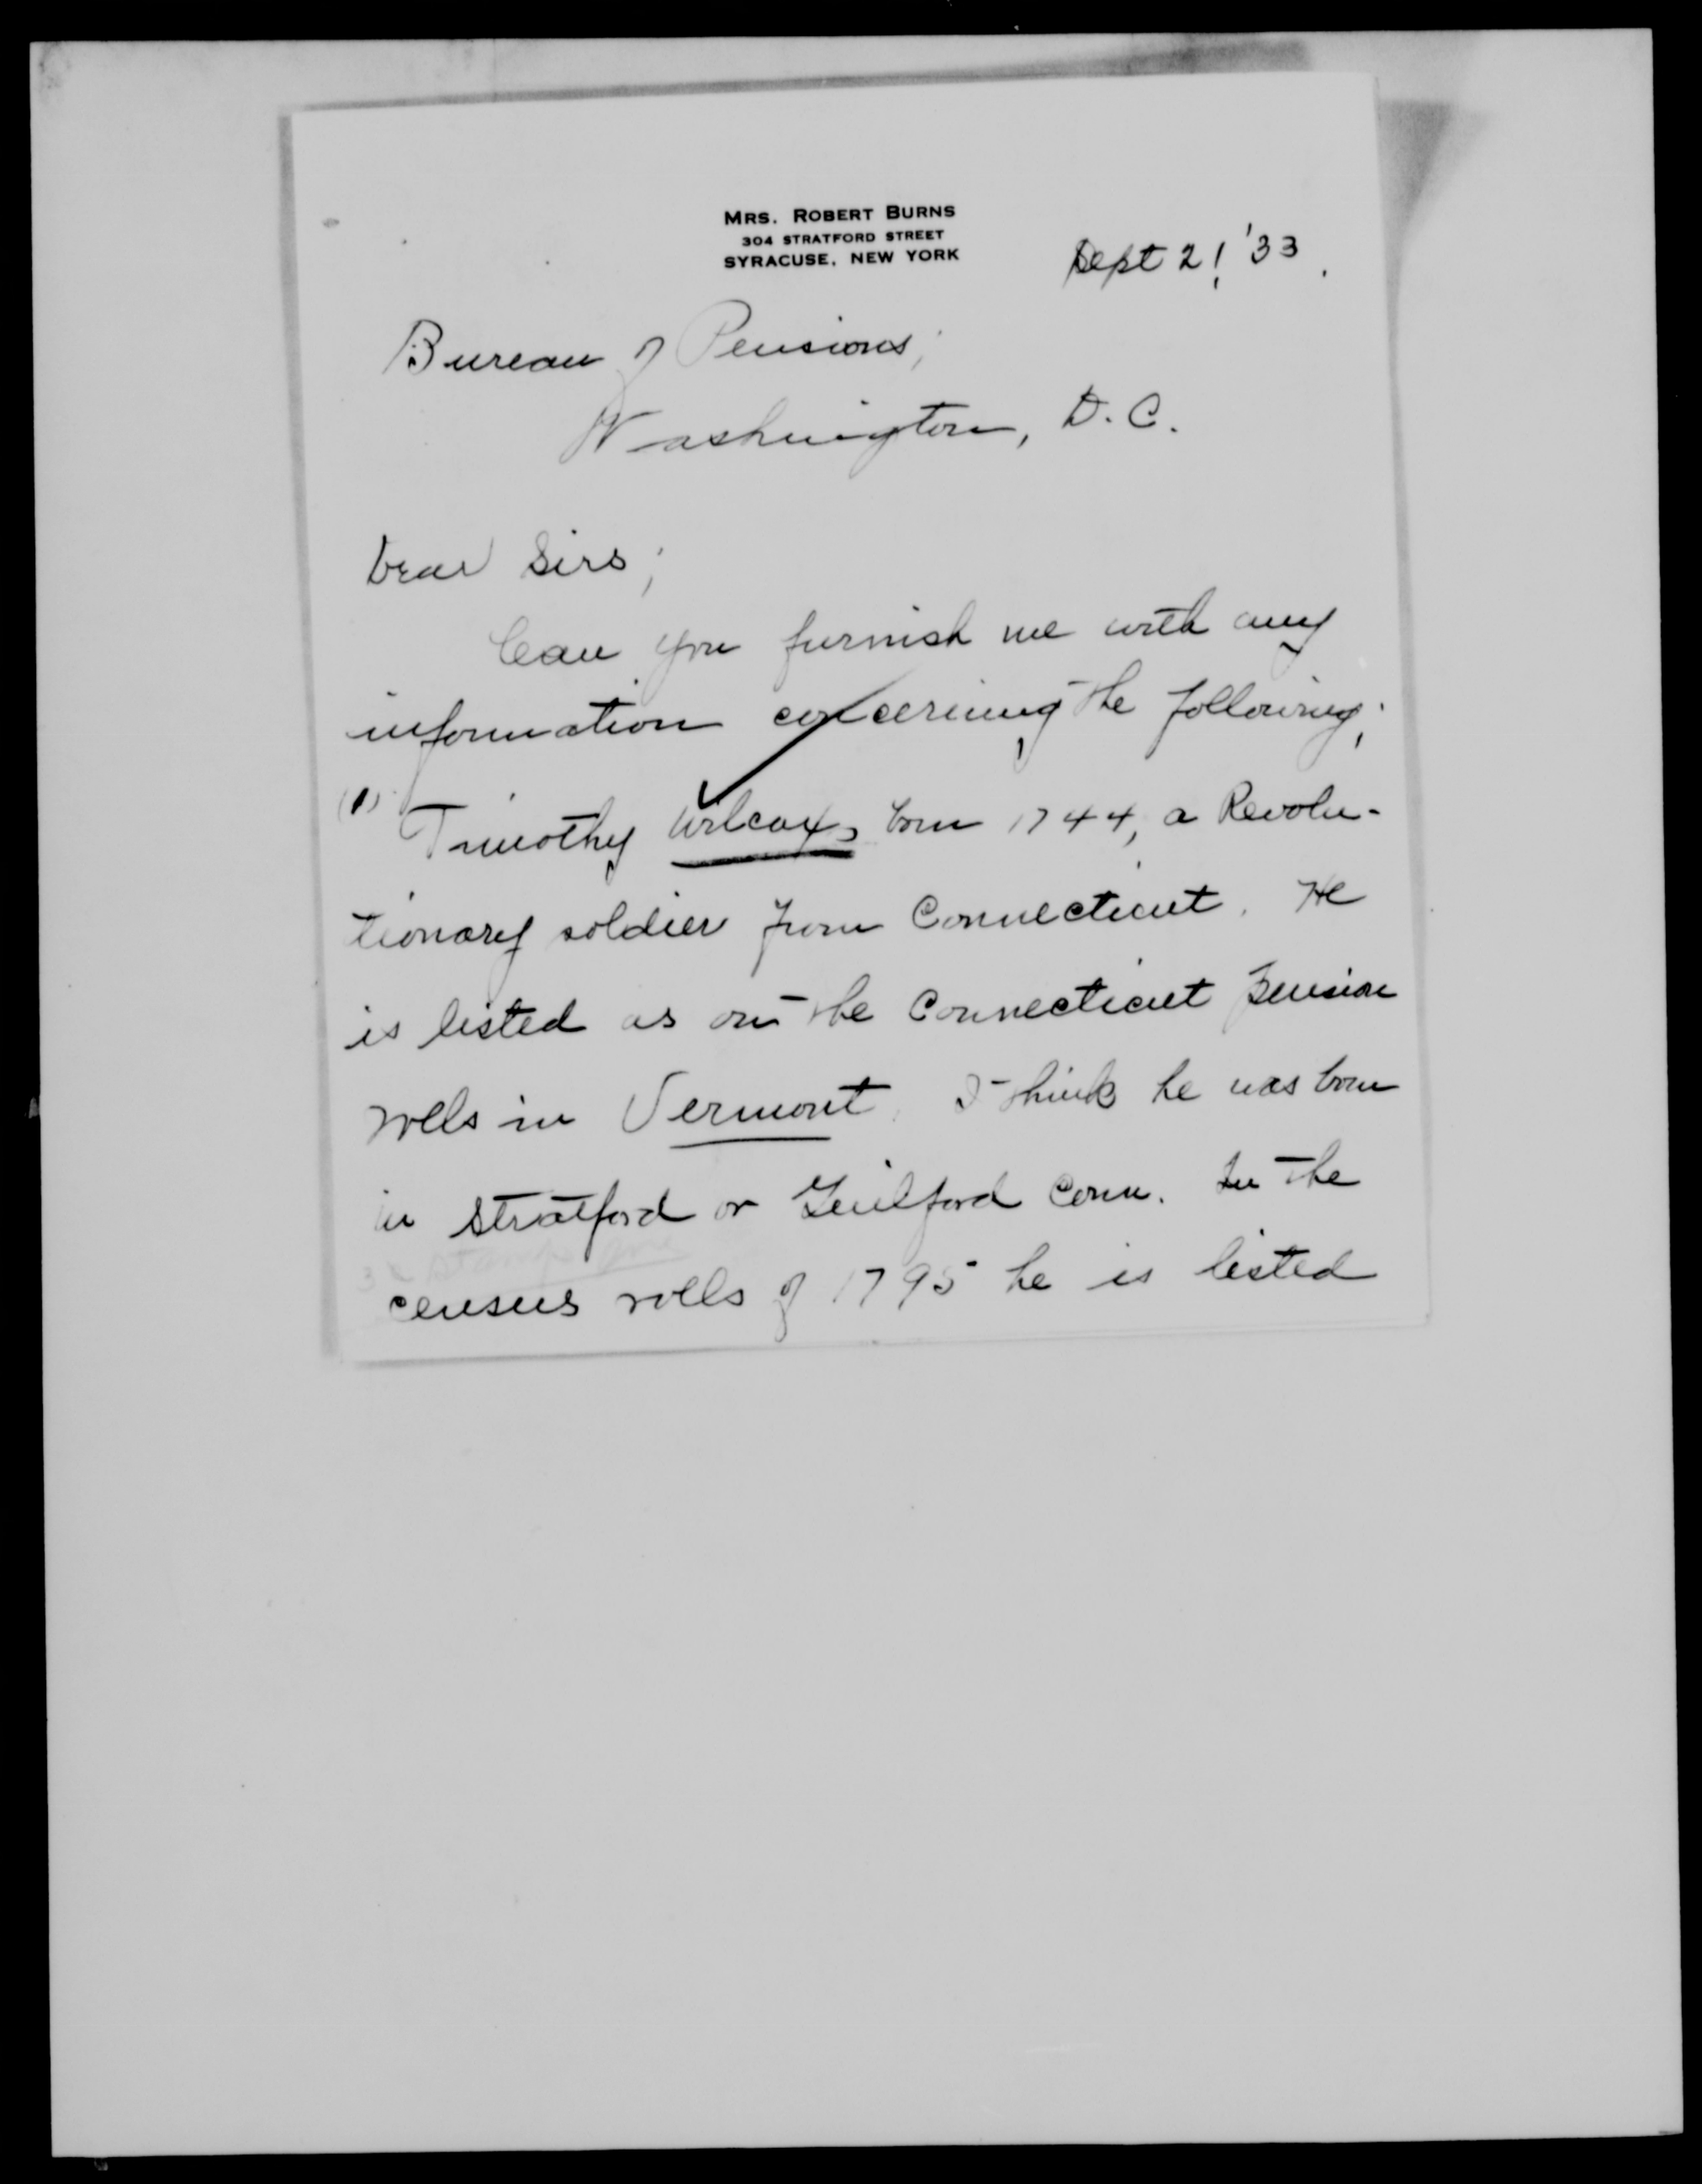MRS. ROBERT BURNS
SOL STRATFORD STREET
SYRACUSE, NEW YORK
Sept 21, '33

Bureau of Pensions
Washington, D.C.

Dear Sirs;
Can you furnish me with any
information concerning the following
Timothy Wilcox, Jun 1744, a Revolutionary
soldier from Connecticut. He
is listed as on the Connecticut pension
rolls in Vermont I think he was born
in Stratford or Guilford Conn. In the
census rolls of 1795 he is listed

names: Timothy Wilcox, Robert Burns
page: 10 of 15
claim: survivor's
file: S. 41336, Timothy Willcox, Conn. Continental